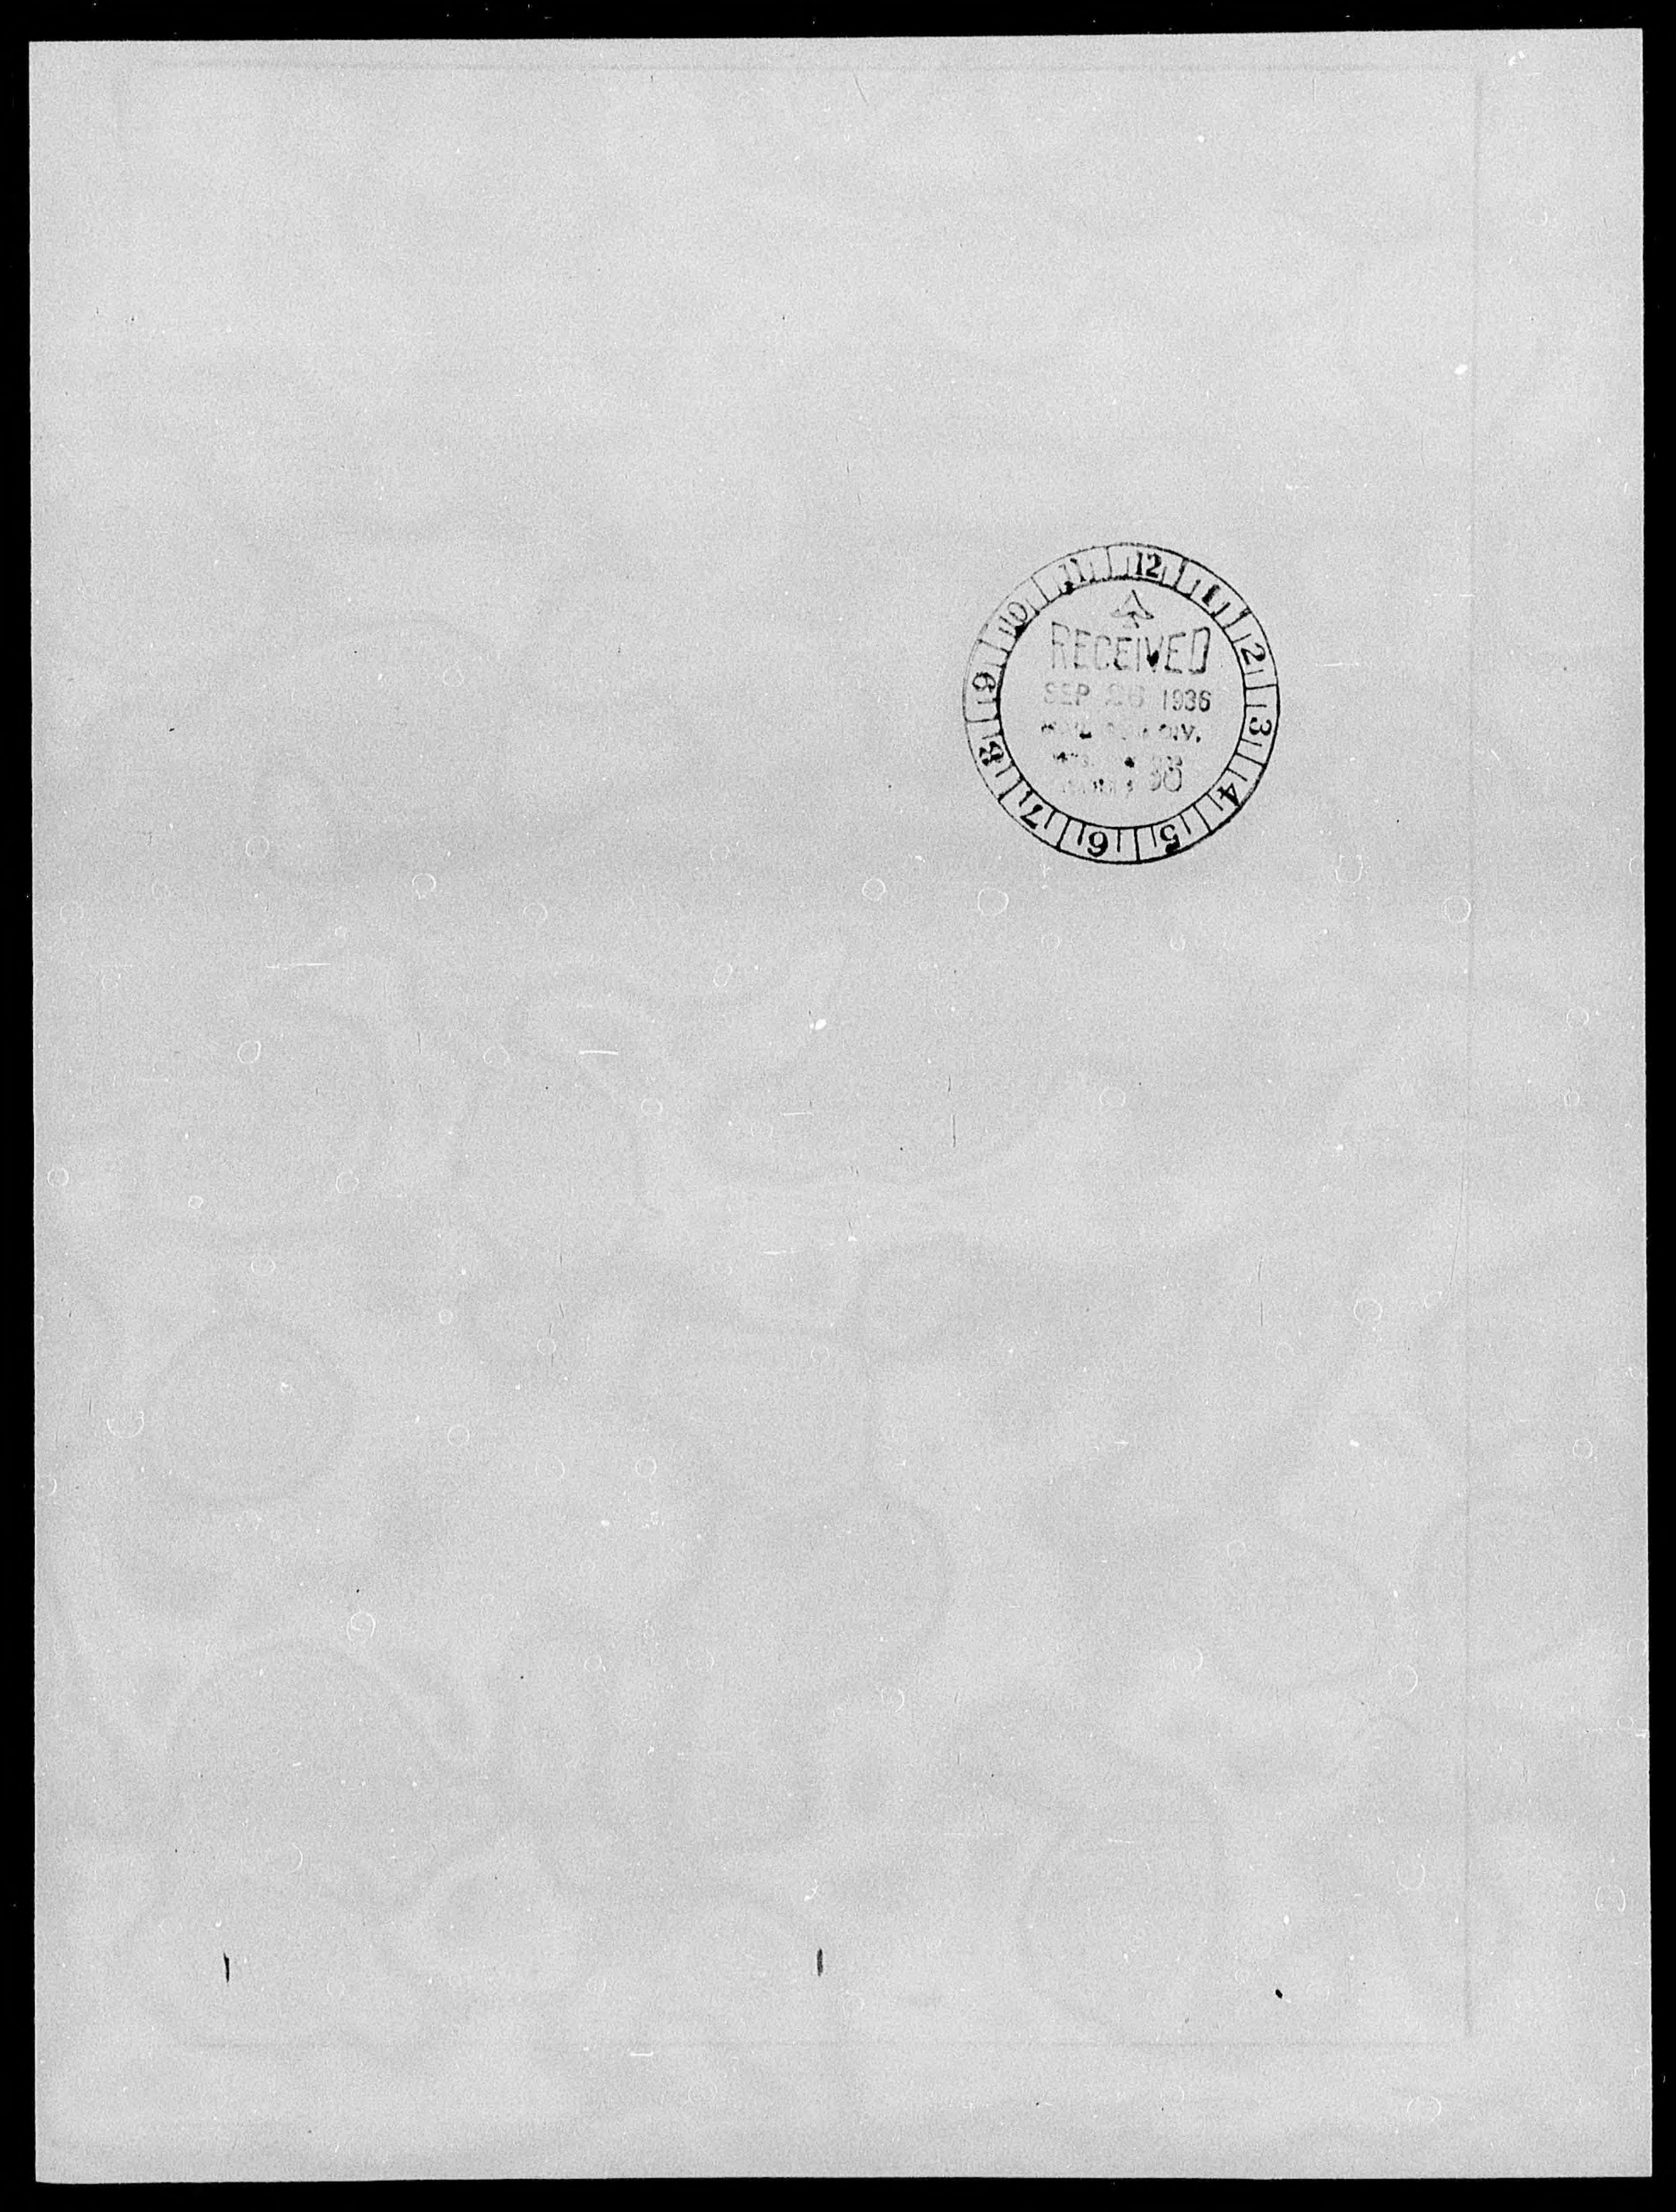[stamped: RECEIVED SEP 16 1936 [illegible]]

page: 82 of 115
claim: survivor's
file: S. 699, for Charles Kilgore, Virginia